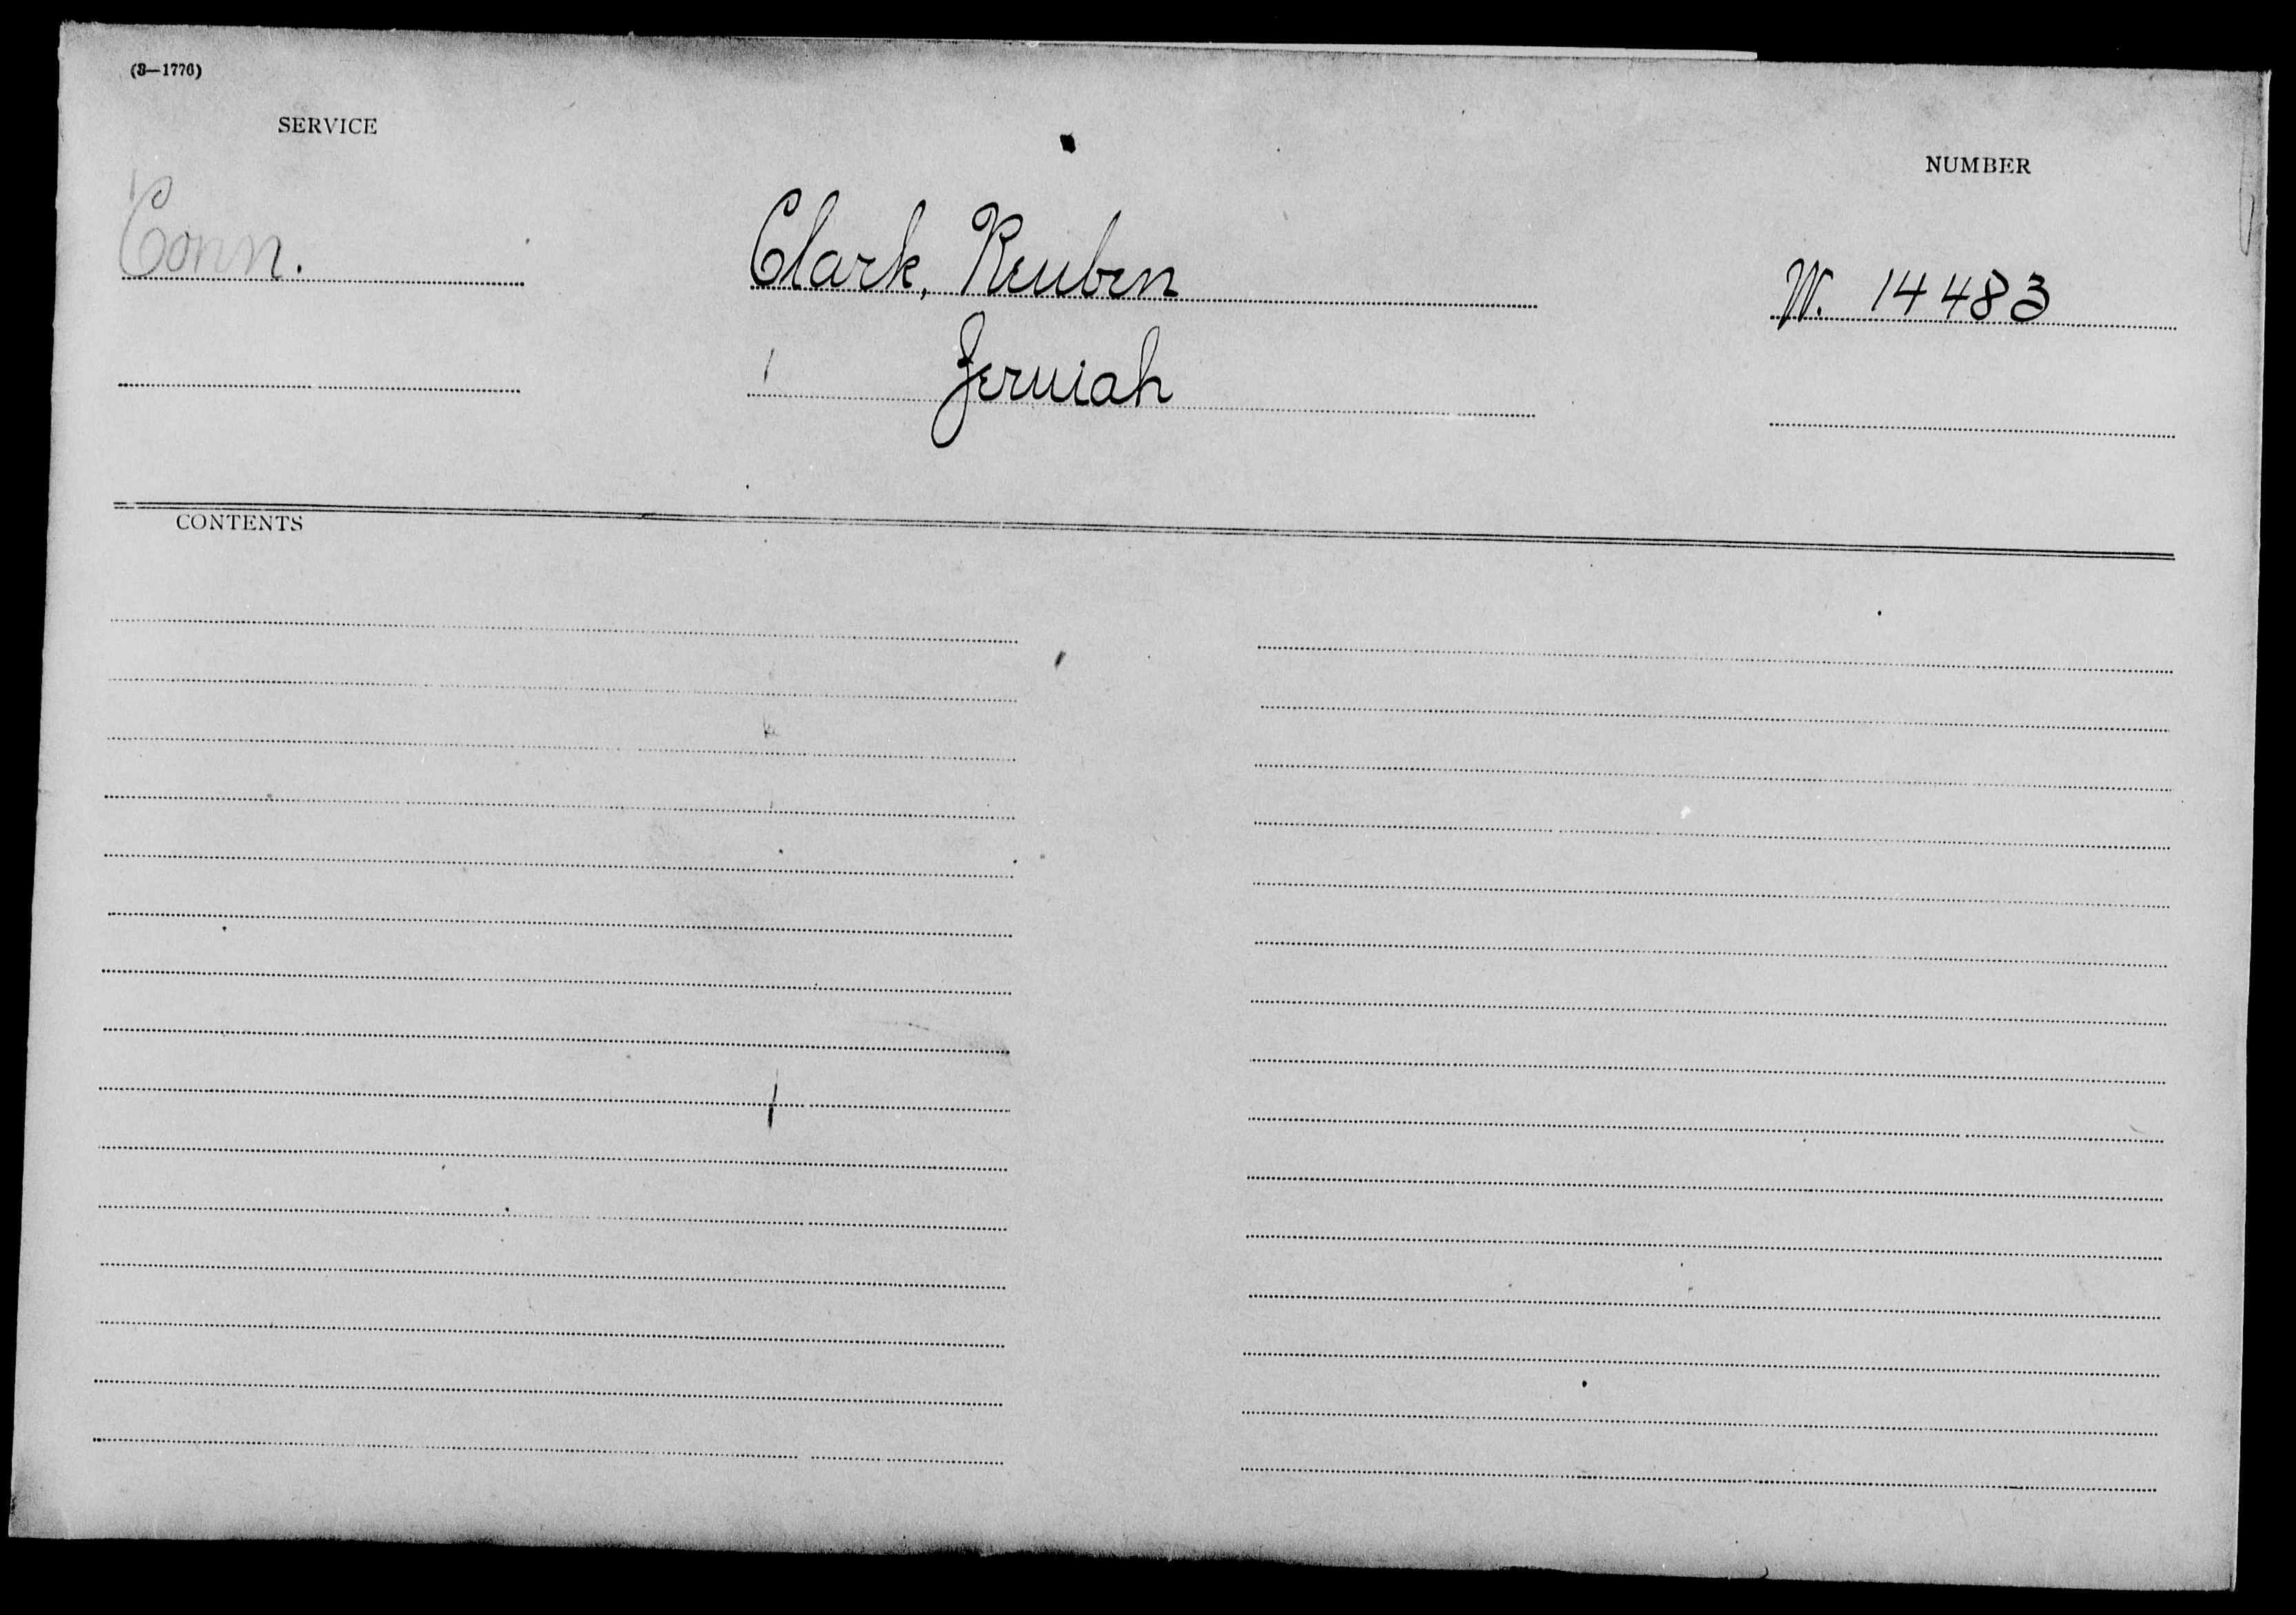[printed form completed in handwriting]
(3-1776)
Service
Conn.
Clark, Reuben
Zeruiah

Number
W. 14483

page: 1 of 26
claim: widow's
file: W. 14483, Reuben Clark, Conn.